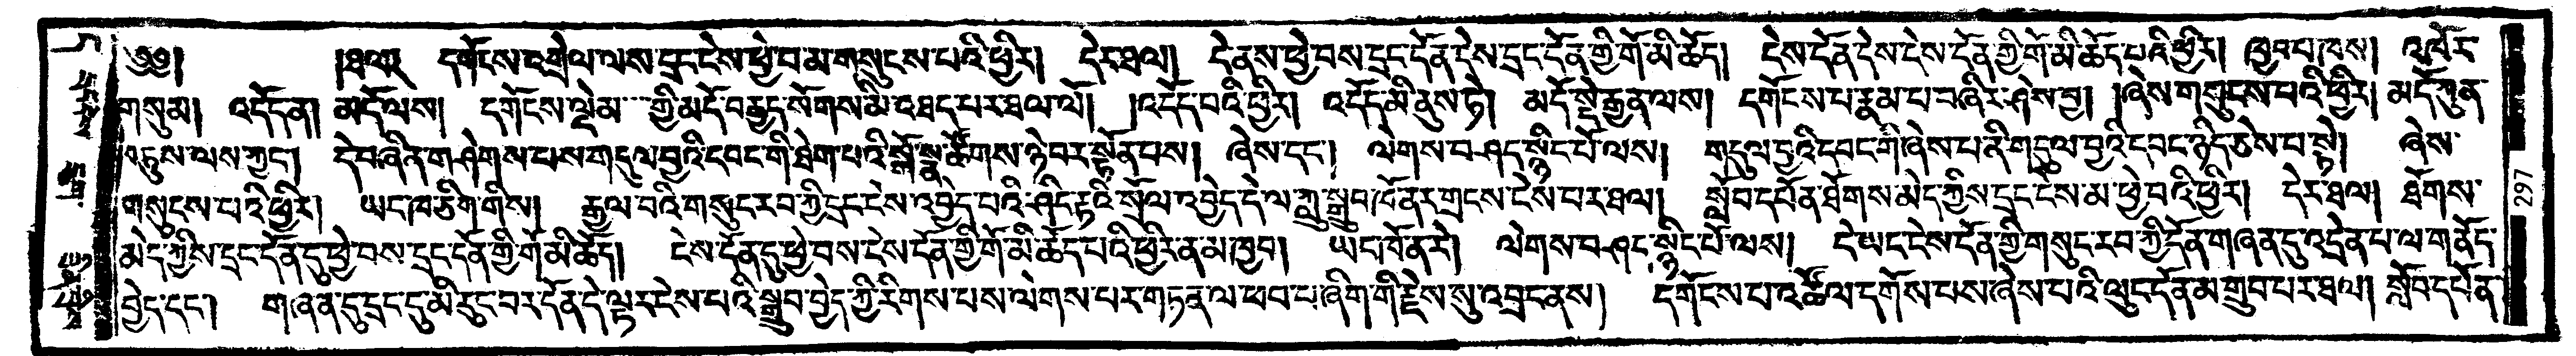༄༅། །ཐལ༑ དགོངས་འགྲེལ་ལས་དྲང་ངེས་ཕྱེ་བ་མ་གསུངས་པའི་ཕྱིར། དེར་ཐལ། དེ་ནས་ཕྱེ་བས་དྲང་དོན་དེས་དྲང་དོན་གྱི་གོ་མི་ཆོད། ངེས་དོན་དེས་ངེས་དོན་གྱི་གོ་མི་ཆོད་པའི་ཕྱིར། ཁྱབ་པ་ཁས། འཁོར་
གསུམ། འདོད་ན། མདོ་ལས། དགོངས་ལྡེམ་གྱི་མདོ་བརྒྱད་སོགས་མི་འཐད་པར་ཐལ་ལོ། །འདོད་པའི་ཕྱིར། འདོད་མི་ནུས་ཏེ། མདོ་སྡེ་རྒྱན་ལས། དགོངས་པ་རྣམ་པ་བཞིར་ཤེས་བྱ། །ཞེས་གསུངས་པའི་ཕྱིར། མདོ་ཀུན་
བཏུས་ལས་ཀྱང་། དེ་བཞིན་གཤེགས་པས་གདུལ་བྱའི་དབང་གི་ཐེག་པའི་སྒོ་སྣ་ཚོགས་ཉེ་བར་སྟོན་པས། ཞེས་དང་། ལེགས་བཤད་སྙིང་པོ་ལས། གདུལ་བྱའི་དབང་གི་ཞེས་པ་ནི་གདུལ་བྱའི་དབང་ཉིད་ཅེས་པ་སྟེ། ཞེས་
གསུངས་པའི་ཕྱིར། ཡང་ཁ་ཅིག་གིས། རྒྱལ་བའི་གསུང་རབ་ཀྱི་དྲང་ངེས་འབྱེད་པའི་ཤིང་རྟའི་སྲོལ་འབྱེད་དེ་ལ་ཀླུ་སྒྲུབ་ཁོ་ནར་གྲངས་ངེས་པར་ཐལ། སློབ་དཔོན་ཐོགས་མེད་ཀྱིས་དྲང་ངེས་མ་ཕྱེ་བའི་ཕྱིར། དེར་ཐལ། ཐོགས་
མེད་ཀྱིས་དྲང་དོན་དུ་ཕྱེ་བས་དྲང་དོན་གྱི་གོ་མི་ཆོད། ངེས་དོན་དུ་ཕྱེ་བས་ངེས་དོན་གྱི་གོ་མི་ཆོད་པའི་ཕྱིར་ན་མ་ཁྱབ། ཡང་ཁོ་ན་རེ། ལེགས་བཤད་སྙིང་པོ་ལས། དེ་ཡང་ངེས་དོན་གྱི་གསུང་རབ་ཀྱི་དོན་གཞན་དུ་འདྲེན་པ་ལ་གནོད་
བྱེད་དང་། གཞན་དུ་དྲང་དུ་མི་རུང་བར་དོན་དེ་ལྟར་ངེས་པའི་སྒྲུབ་བྱེད་ཀྱི་རིགས་པས་ལེགས་པར་གཏན་ལ་ཕབ་པ་ཞིག་གི་རྗེས་སུ་འབྲང་ནས། དགོངས་པ་འཚོལ་དགོས་པས་ཞེས་པའི་ལུང་དོན་མ་གྲུབ་པར་ཐལ། སློབ་དཔོན་